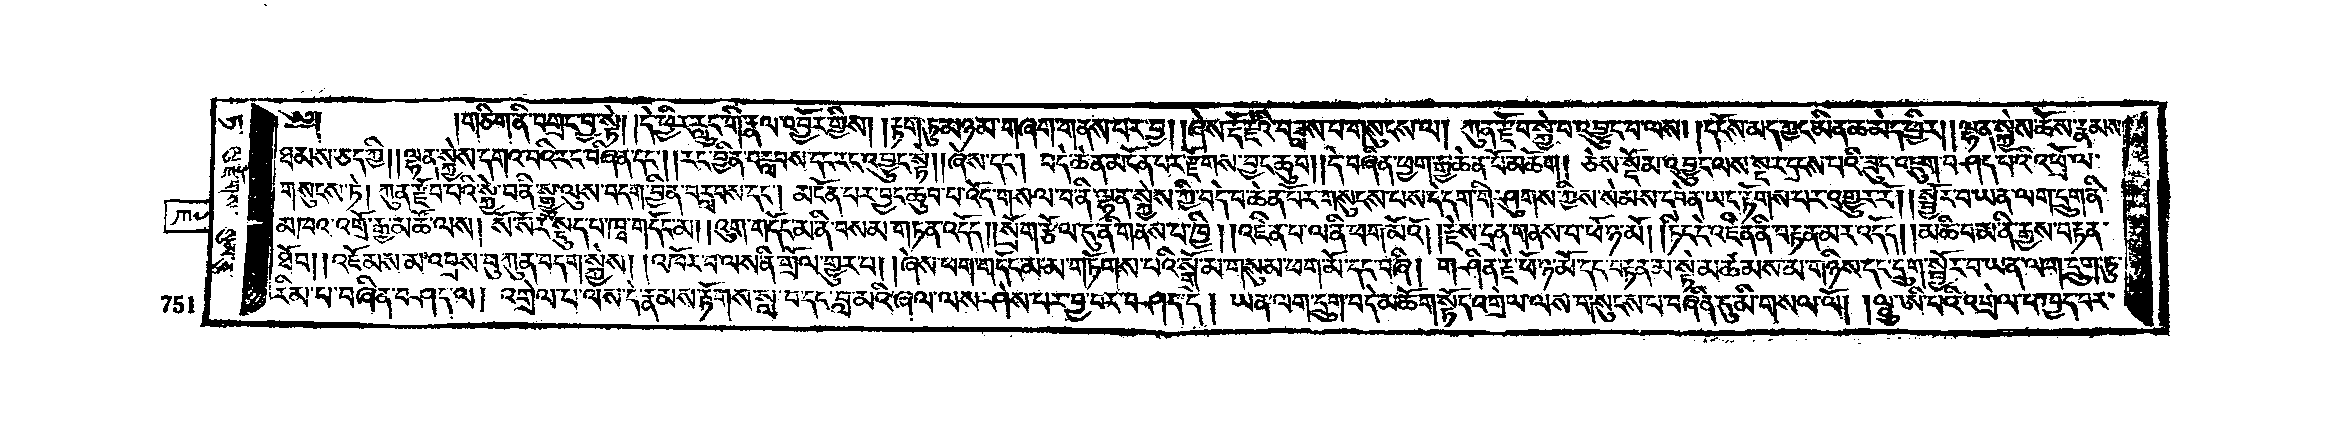༄༅། །གཅིག་ནི་བགྲང་བྱ་སྟེ། །དེ་ཕྱིར་རླུང་གི་རྣལ་འབྱོར་གྱིས། །རྟག་ཏུ་མཉམ་གཞག་གནས་པར་བྱ། །ཞེས་རྡོ་རྗེའི་བཟླས་པ་གསུངས་ལ། ཀུན་རྫོབ་སྐྱེ་བ་འབྱུང་བ་ལས། དངོས་མེད་ཀྱང་མིན་ཆ་མེད་ཕྱིར། །ལྷན་སྐྱེས་ཆོས་རྣམས་
ཐམས་ཅད་ཀྱི། །ལྷན་སྐྱེས་དགའ་བའི་རང་བཞིན་དང་། །རང་བྱིན་བརླབས་དང་རང་འབྱུང་སྟེ། །ཞེས་དང་། བདེ་ཆེན་མངོན་པར་རྫོགས་བྱང་ཆུབ། །དེ་བཞིན་ཕྱག་རྒྱ་ཆེན་པོ་མཆོག །ཅེས་སྡོམ་འབྱུང་ལས་སྔར་དྲངས་པའི་ཟུང་འཇུག་བཤད་པའི་འཕྲོ་ལ་
གསུངས་ཏེ། ཀུན་རྫོབ་པའི་སྐྱེ་བ་ནི་སྒྱུ་ལུས་བདག་བྱིན་བརླབས་དང་། མངོན་པར་བྱང་ཆུབ་པ་འོད་གསལ་བ་ནི་ལྷན་སྐྱེས་ཀྱི་བདེ་བ་ཆེན་པོར་གསུངས་པས་དེ་དག་གི་ཤུགས་ཀྱིས་སེམས་དབེན་ཡང་རྟོགས་པར་འགྱུར་རོ། །སྦྱོར་བ་ཡན་ལག་དྲུག་ནི་
མཁའ་འགྲོ་རྒྱ་མཚོ་ལས། སོ་སོར་སྡུད་པ་ཁྭ་གདོང་མ། །འུག་གདོང་མ་ནི་བསམ་གཏན་འདོད། །སྲོག་རྩོལ་དུ་ནི་གནས་པ་ཁྱི། །འཛིན་པ་ལ་ནི་ཕག་མོའོ། །རྗེས་དྲན་གནས་པ་ཕོ་ཉ་མོ། །ཏིང་ངེ་འཛིན་ནི་བརྟན་མར་འདོད། །མཆེ་བ་མ་ནི་རྒྱས་བརྟན་
ཐོབ། །འཇོམས་མ་འབྲས་བུ་ཀུན་བདག་སྐྱེས། །འཁོར་བ་ལས་ནི་གྲོལ་གྱུར་པ། །ཞེས་ཕག་གདོང་མ་མ་གཏོགས་པའི་སྒོ་མ་གསུམ་ཕག་མོ་དང་བཞི། གཤིན་རྗེ་ཕོ་ཉ་མོ་དང་བརྟན་མ་སྟེ་མཚམས་མ་གཉིས་དང་དྲུག་སྦྱོར་བ་ཡན་ལག་དྲུག་ཏུ་
རིམ་པ་བཞིན་བཤད་ལ། འགྲེལ་པ་ལས་དེ་རྣམས་རྟོགས་སླ་བ་དང་བླ་མའི་ཞལ་ལས་ཤེས་པར་བྱ་བར་བཤད་དེ། ཡན་ལག་དྲུག་བདེ་མཆོག་སྟོད་འགྲེལ་ལས་གསུངས་པ་བཞིན་དུ་མི་གསལ་ལོ། །ལཱུ་ཨི་པའི་འགྲེལ་པ་ཁྱད་པར་